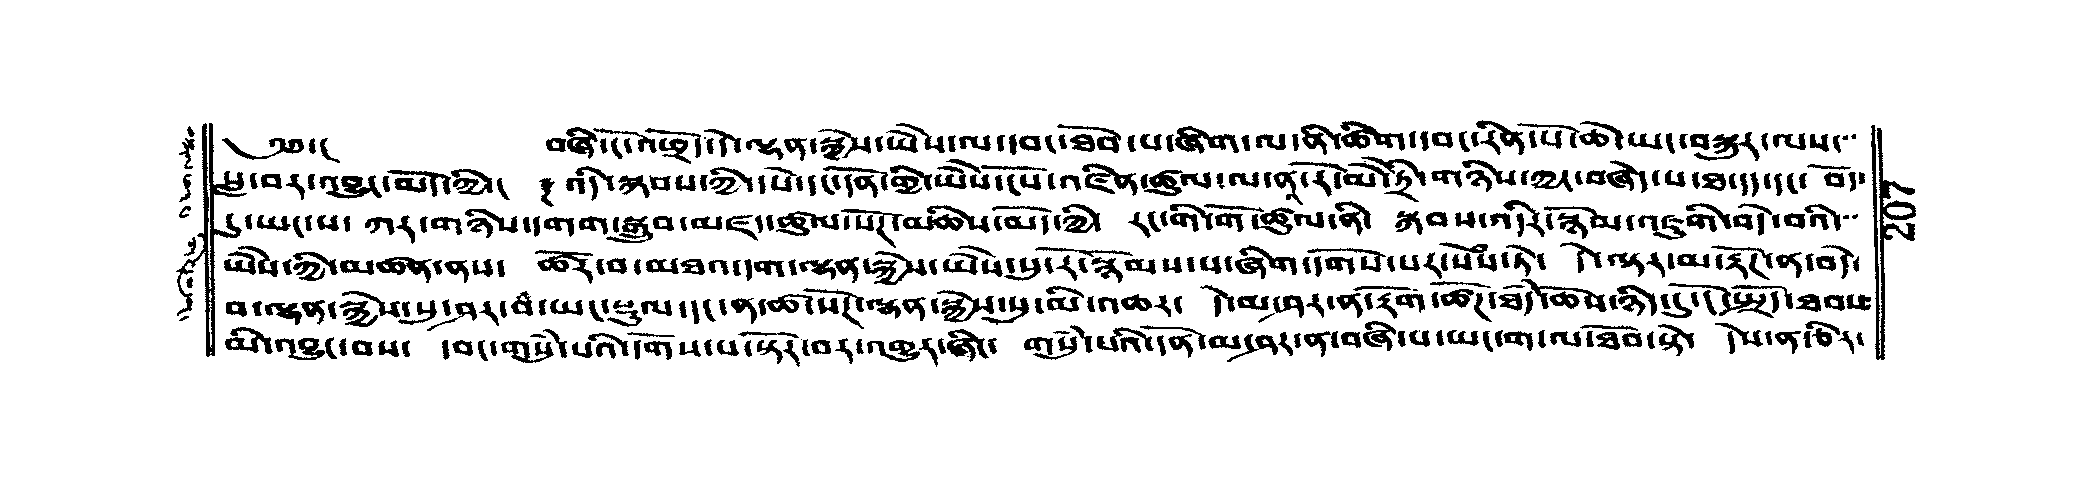བཞི་ངོ་འཕྲོད་དེ་ལྷན་སྐྱེས་ཡེ་ཤེས་ལ་དབང་ཐོབ་པ་ཞིག་ལ་ནི་ཚིག་དབང་རིན་པོ་ཆེ་ཡང་བསྐུར་ལས་
སླ་བར་འབྱུང་མོད་ཀྱི། འདི་སྐབས་ཀྱི་དཔེ་དང་དོན་གྱི་ཡེ་ཤེས་ངོས་འཛིན་ཚུལ་ལ་ནཱ་རོ་མཻ་ཏྲི་གཉིས་ཀྱང་བཞེད་པ་ཐ་དད་དང་། བོད་
དུ་ཡང་ས་ཀར་གཉིས་དགག་སྒྲུབ་མཛད་ཚུལ་སོགས་མཆིས་མོད་ཀྱི། རང་གི་གོ་ཚུལ་ནི། སྐབས་འདིར་སྙོམ་འཇུག་གི་བདེ་བའི་
ཡེ་ཤེས་ཀྱི་མཚན་ནས། ཚོར་བ་མཐའ་དག་ལྷན་སྐྱེས་ཡེ་ཤེས་སུ་རོ་སྙོམས་པ་ཞིག་དགོས་པར་སེམས་ཏེ། དེ་ལྟར་མ་རྟོགས་ན་བདེ་
བ་ལྷན་སྐྱེས་སུ་ཤར་བ་ཡང་སྡུག་བསྔལ་དང་ན་ཚ་སོགས་ལྷན་སྐྱེས་སུ་མི་འཆར།དེ་མ་ཤར་ན་རྟོག་ཚོགས་ཐམས་ཅད་ཆོས་ཉིད་དུ་ངོ་སྤྲོད་ཐབས་
མི་འབྱུང་བས། དབང་གསུམ་པའི་དགོས་པ་སྟོར་བར་འགྱུར་ཞིང་། གསུམ་པའི་དོན་མ་ཤར་ན་བཞི་པ་ཡང་ག་ལ་ཐོབ་སྟེ། དེས་ན་ཅིར་